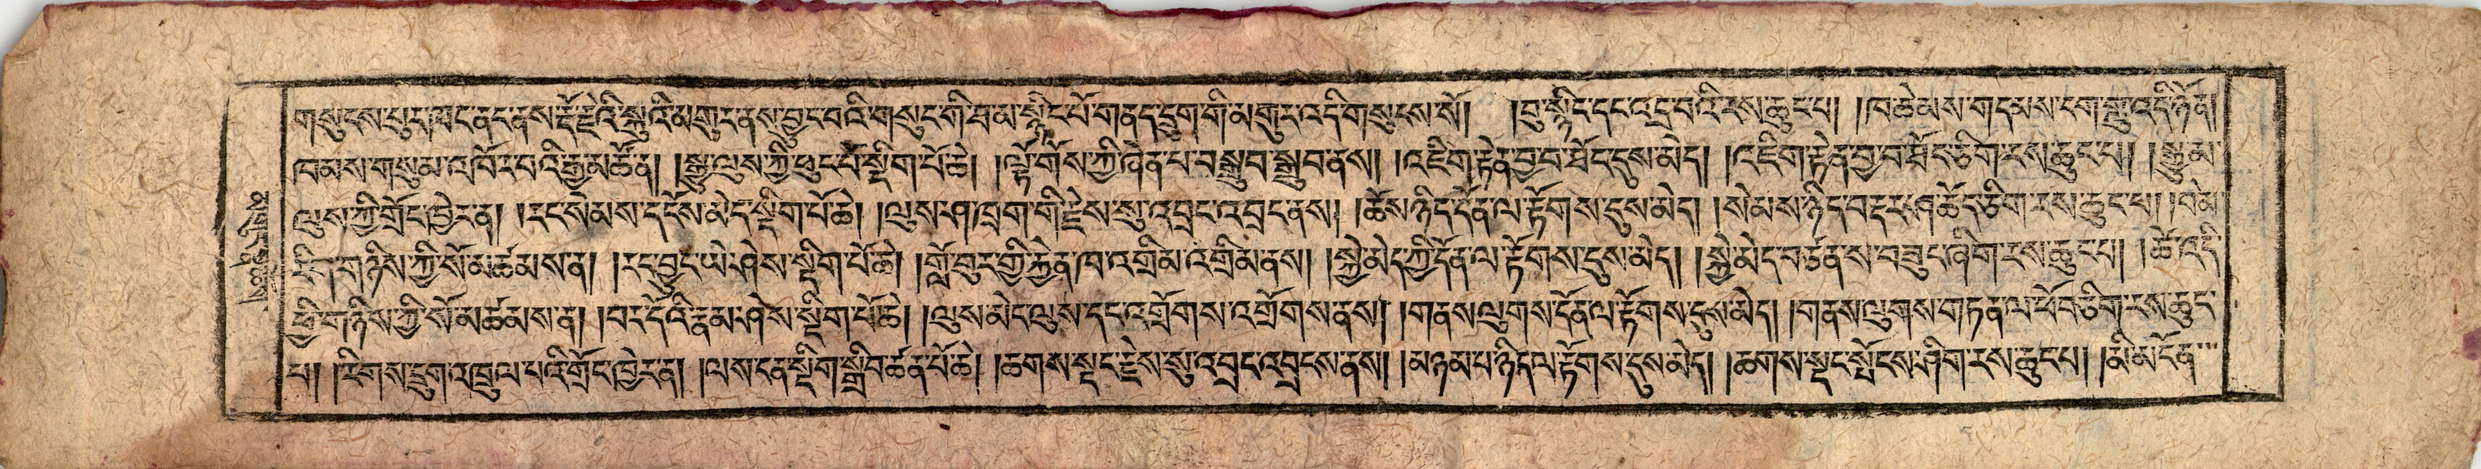གསུངས་པུར་ཁང་ནང་ནས་རྡོ་རྗེའི་སྐུའི་མགུར་ནས་བྱུང་བའི་གསུང་གི་ཐ་མ་སྙིང་པོ་གནད་དྲུག་གི་མགུར་འདི་གསུངས་སོ། །བུ་སྙིང་དང་འདྲ་བའི་རས་ཆུང་པ། །ཁ་ཆེམས་གདམས་ངག་གླུ་འདི་ཉོན། །
ཁམས་གསུམ་འཁོར་བའི་རྒྱ་མཚོ་ན། །སྒྱུ་ལུས་ཀྱི་ཕུང་པོ་སྡིག་པོ་ཆེ། །ལྟེ་གོས་ཀྱི་ཞེན་པ་བསྒྲུབ་སྒྲུབ་ནས། །འཇིག་རྟེན་བྱ་བ་ཐོང་དུས་མེད། །འཇིག་རྟེན་བྱ་བ་ཐོང་ཅིག་རས་ཆུང་པ། །སྒྱུ་མ་
ལུས་ཀྱི་གྲོང་ཁྱེར་ན། །རང་སེམས་དངོས་མེད་སྡིག་པོ་ཆེ། །ལུས་ཤ་ཁྲག་གི་རྗེས་སུ་འབྲང་འབྲང་ནས། །ཆོས་ཉིད་དོན་ལ་རྟོགས་དུས་མེད། །སེམས་ཉིད་བརྡར་ཤ་ཆོད་ཅིག་རས་ཆུང་པ། །བེམ་
རིག་གཉིས་ཀྱི་སོ་མཚམས་ན། །རང་བྱུང་ཡེ་ཤེས་སྡིག་པོ་ཆེ། །གློ་བུར་གྱི་རྐྱེན་ཁ་འགྲིམ་འགྲིམ་ནས། །སྐྱེ་མེད་ཀྱི་དོན་ལ་རྟོགས་དུས་མེད། །སྐྱེ་མེད་བཙན་ས་བཟུང་ཞིག་རས་ཆུང་པ། །ཚེ་འདི་
ཕྱི་གཉིས་ཀྱི་སོ་མཚམས་ན། །བར་དོའི་རྣམ་ཤེས་སྡིག་པོ་ཆེ། །ལུས་མེད་ལུས་དང་འགྲོགས་འགྲོགས་ནས། །གནས་ལུགས་དོན་ལ་རྟོགས་དུས་མེད། །གནས་ལུགས་གཏན་ལ་ཕེབ་ཅིག་རས་ཆུང་
པ། །རིགས་དྲུག་འཁྲུལ་པའི་གྲོང་ཁྱེར་དུ། །ལས་ངན་སྡིག་སྒྲིབ་ཚན་པོ་ཆེ། །ཆགས་སྡང་རྗེས་སུ་འབྲང་འབྲངས་ནས། །མཉམ་པ་ཉིད་ལ་རྟོགས་དུས་མེད། །ཆགས་སྡང་སྤོངས་ཤིག་རས་ཆུང་པ། །མི་མངོན་